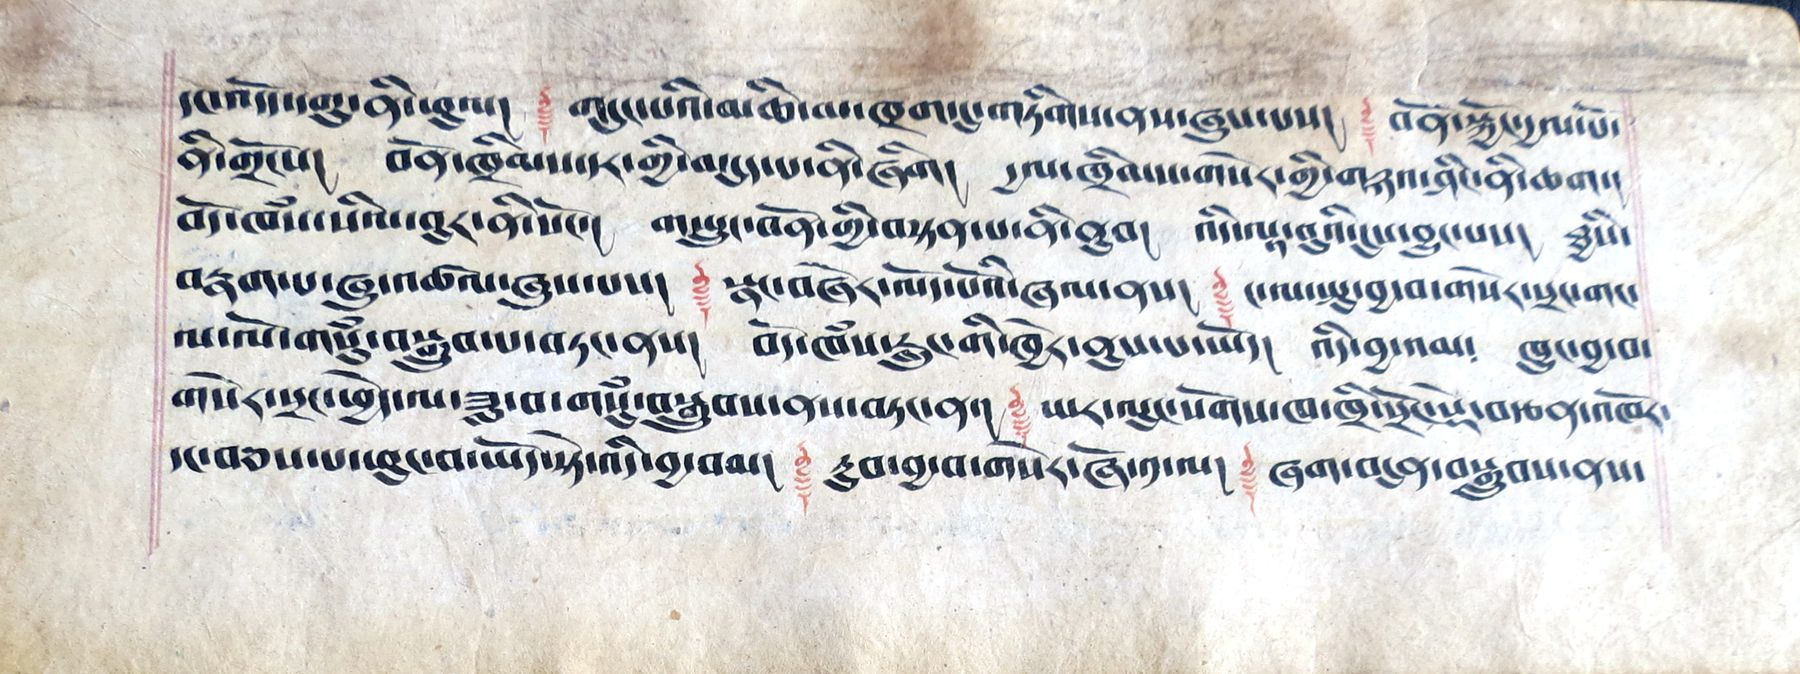དང་འདོད་དགུ་ནི་ཕུལ། གདུང་པའི་མཆི་མ་ཁྲག་ཏུ་གཏིགས་ནས་ཞུས་པ། བོན་སྐྱོང་རྒྱལ་པོ་
ནི་བཀྲོངས། བོན་ཁྲིམས་དར་གྱི་མདུད་པ་ནི་ཞིག རྒྱལ་ཁྲིམས་གསེར་གྱི་གཉའ་ཤིང་ནི་ཆག 
བོན་ཁམས་སིལ་བུར་སོང་། གཡུང་དྲུང་བོན་གྱི་བསྟན་པ་ནི་ནུབ། འདི་ལྟ་བུའི་དུས་བྱུང་བས། ཐུགས་ཀྱི་
བརྣག་པ་ཞུ་འཚལ་ཞུས་པས། སྣང་བཞེར་ལོད་པོའི་ཞལ་ནས། ང་ལ་སྤུ་བྱ་བ་གསེར་སྲང་གང་
གཅིག་ལ་ལོ་གསུམ་བསྒྲུབས་ནས་བཏང་ན། བོད་ཁམས་རླུང་གིས་འཁྱེར་བ་ཡོད་པ་འདི་བྱ་འམ། ཁྱུང་བྱ་བ་
གསེར་སྲང་ཕྱེད་ལ་ཟླ་བ་གསུམ་བསྒྲུབས་ནས་བཏང་ན། ཡར་ལུང་སོགས་ཀ་ཁྲི་སྲོང་ལྡེ་བཙན་འཁོར་
དང་བཅས་པ་ཕུང་པ་ཡོད་པ་དེ་བྱ་འམ། རྔུབ་བྱ་བ་གསེར་ཞོ་གཅིག་ལ་ཞག་བདུན་བསྒྲུབས་ནས་